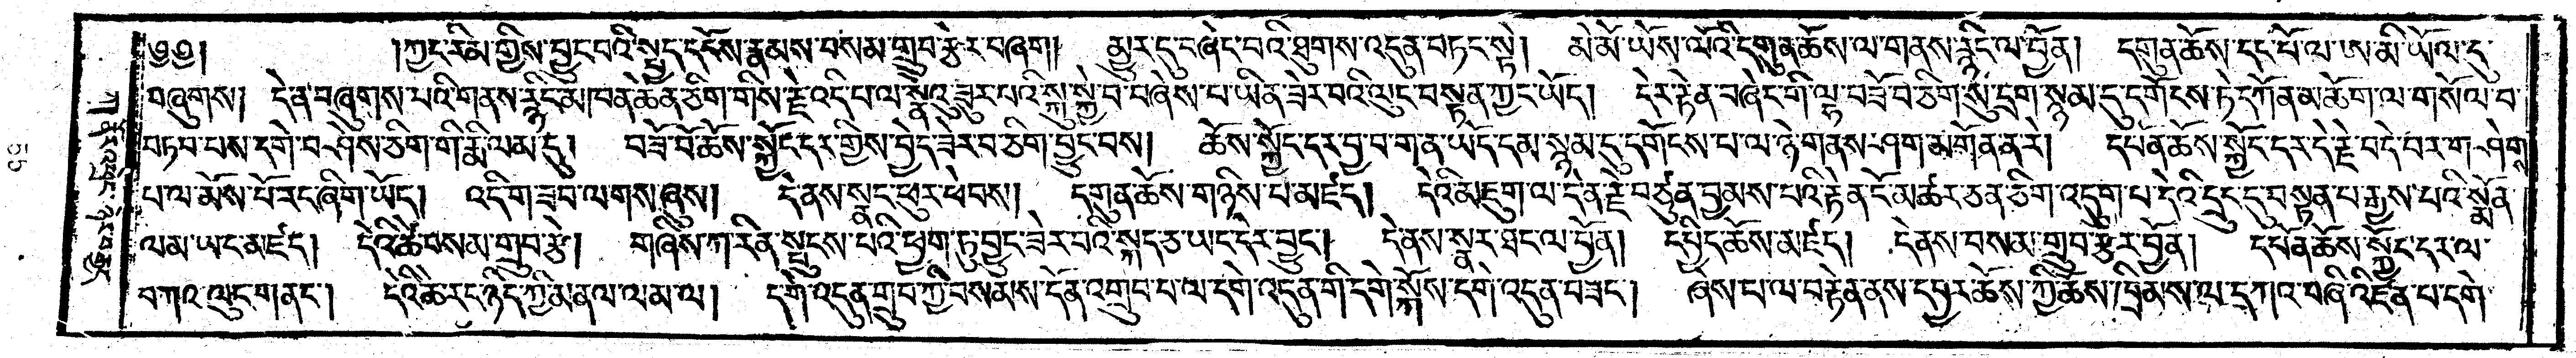༄༅། །ཀྱང་རིམ་གྱིས་བྱུང་བའི་སྤྱད་དངོས་རྣམས་བསམ་གྲུབ་རྩེར་བཞག། མྱུར་དུ་བཞེང་བའི་ཐུགས་འདུན་བཏང་སྟེ། མེ་མོ་ཡོས་ལོའི་དགུན་ཆོས་ལ་གནས་རྙིང་ལ་བྱོན། དགུན་ཆོས་དང་པོ་ལ་ཨ་མི་ཡོལ་དུ་
བཞུགས། དེ་ན་བཞུགས་པའི་གནས་རྙིང་མཁན་ཆེན་ཅིག་གིས་རྗེ་འདི་པ་ལ་སྣེའུ་ཟུར་པའི་སྐུ་སྐྱེ་བ་བཞེས་པ་ཡིན་ཟེར་བའི་ལུང་བསྟན་ཀྱང་ཡོད། དེར་རྟེན་བཞེང་གི་ལྷ་བཟོ་བ་ཅིག་སུ་དྲག་སྙམ་དུ་དགོངས་ཏེ་དཀོན་མཆོག་ལ་གསོལ་བ་
བཏབ་པས་དགེ་བཤེས་ཅིག་མི་རྨི་ལམ་དུ། བཟོ་བོ་ཆོས་སྐྱོང་དར་གྱིས་བྱེད་ཟེར་བ་ཅིག་བྱུང་བས། ཆོས་སྐྱོང་དར་བྱ་བ་ག་ན་ཡོད་དམ་སྙམ་དུ་དགོངས་པ་ལ་ཉེ་གནས་ཤག་མགོན་ན་རེ། དཔོན་ཆོས་སྐྱོང་དར་དེ་རྗེ་བདེ་བར་གཤེགས་
པ་ལ་མོས་པོ་རང་ཞིག་ཡོད། འདི་ག་ཟབ་ལགས་ཞུས། དེ་ནས་སྣང་ཕུར་ཕེབས། དགུན་ཆོས་གཉིས་པ་མཛད། དེའི་མཇུག་ལ་དེ་ན་རྗེ་བཙུན་བྱམས་པའི་རྟེན་ངོ་མཚར་ཅན་ཅིག་འདུག་པ་དེའི་དྲུང་དུ་བསྟན་པ་རྒྱས་པའི་སྨོན་
ལམ་ཡང་མཛད། དེའི་ཚེ་བསམ་གྲུབ་རྩེ། གཞིས་ཀ་རིན་སྤུངས་པའི་ཕྱག་ཏུ་བྱུང་ཟེར་པའི་སྐད་ཅ་ཡང་དེར་བྱུང་། དེ་ནས་སྣར་ཐང་ལ་བྱོན། དཔྱིད་ཆོས་མཛད། དེ་ནས་བསམ་གྲུབ་རྩོར་བྱོན། དཔོན་ཆོས་སྐྱོང་དར་ལ་
བཀའ་ལུང་གནང་། དེའི་ཆེ་རང་ཉིད་ཀྱི་མནལ་ལམ་ལ། དགེ་འདུན་གྲུབ་ཀྱི་བསམས་དོན་འགྲུབ་པ་ལ་དགེ་འདུན་གི་དགེ་སྐོས་དགེ་འདུན་བཟང་། ཞེས་པ་ལ་བརྟེན་ནས་དབྱར་ཆོས་ཀྱི་ཆོས་ཁྲིམས་ལ་དཀའ་བཞི་འཛིན་པ་དགེ་